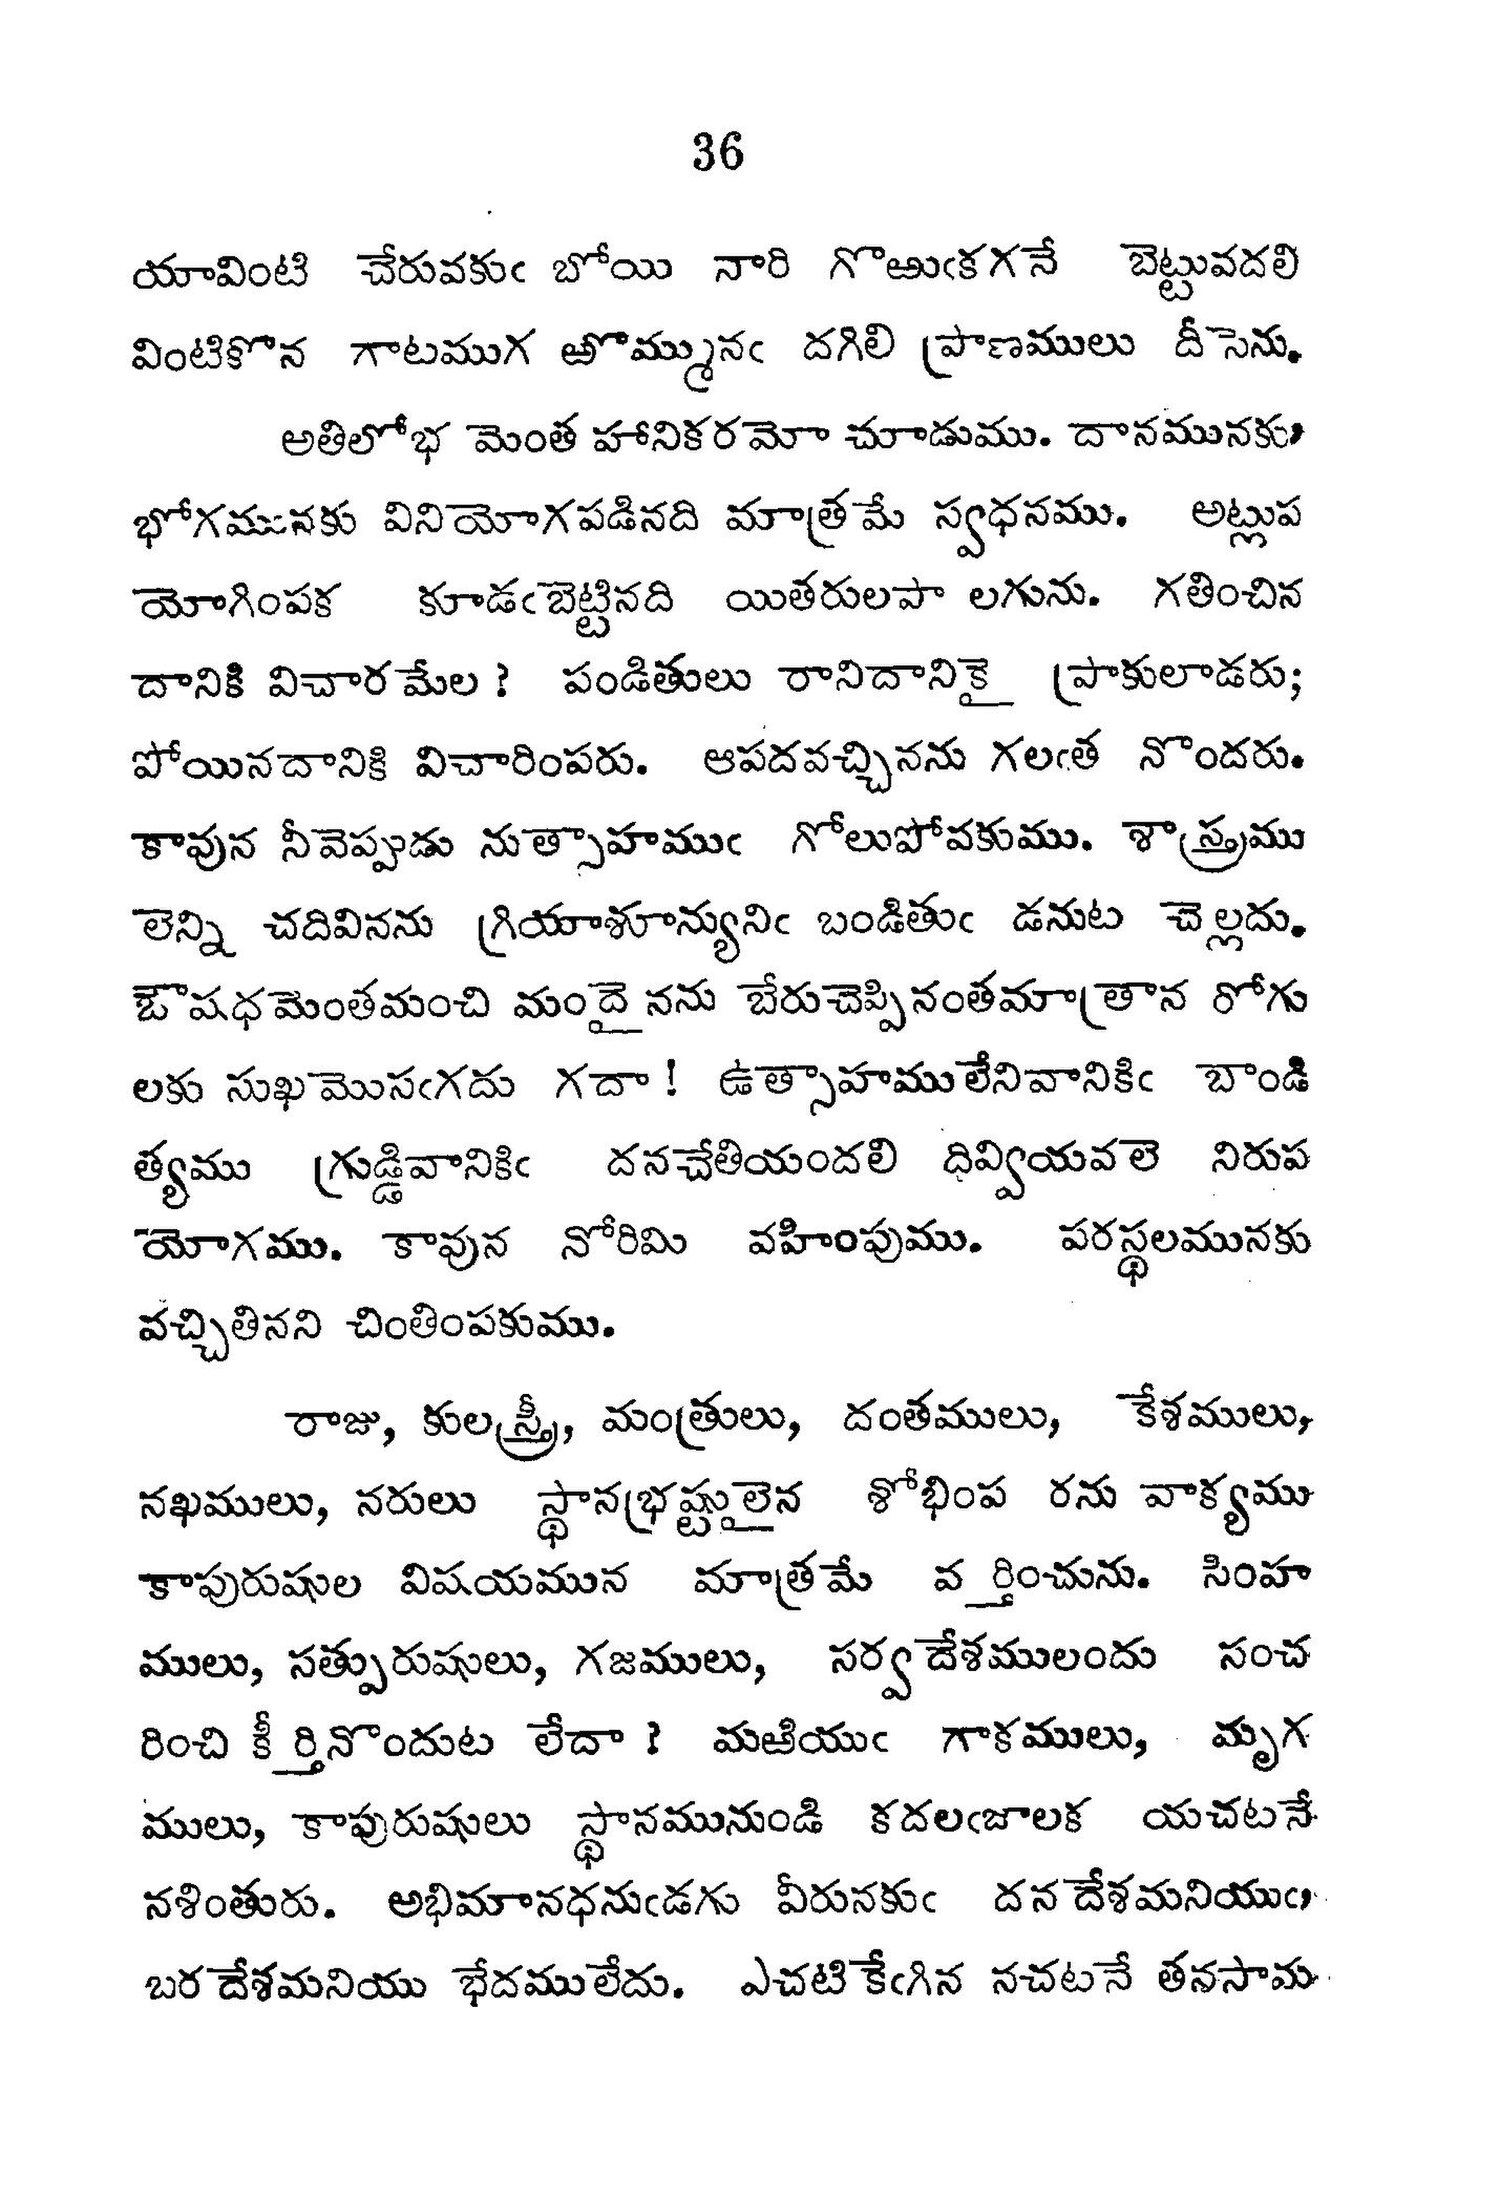యావింటి చేరువకు బోయి నారి గొఱుకగనే బెట్టువదలి వింటికొన గాటముగ ఱొమ్మున దగిలి ప్రాణములు దీసెను.

అతిలోభ మెంత హానికరమో చూడుము. దానమునకు భోగమునకు వినియోగపడినది మాత్రమే స్వధనము. అట్లుపయోగింపక కూడ బెట్టినది యితరులపా లగును. గతించిన దానికి విచారమేల? పండితులు రానిదానికై ప్రాకులాడరు; పోయినదానికి విచారింపరు. ఆపదవచ్చినను గలత నొందరు. కావున నీవెప్పుడు నుత్సాహము గోలుపోవకుము. శాస్త్రములెన్ని చదివినను గ్రియాశూన్యుని బండితు డనుట చెల్లదు. ఔషధమెంతమంచి మందైనను బేరుచెప్పినంతమాత్రాన రోగులకు సుఖమొసగదు గదా! ఉత్సాహములేనివానికి బాండిత్యము గ్రుడ్డివానికి దనచేతియందలి దివ్వియవలె నిరుపయోగము. కావున నోరిమి వహింపుము. పరస్థలమునకు వచ్చితినని చింతింపకుము.

రాజు, కులస్త్రీ, మంత్రులు, దంతములు, కేశములు, నఖములు, నరులు స్థానభ్రష్టులైన శోభింప రను వాక్యము కాపురుషుల విషయమున మాత్రమే వర్తించును. సింహములు, సత్పురుషులు, గజములు, సర్వదేశములందు సంచరించి కీర్తినొందుట లేదా? మఱియు గాకములు, మృగములు, కాపురుషులు స్థానమునుండి కదలజాలక యచటనే నశింతురు. అభిమానధనుడగు వీరునకు దనదేశమనియు, బరదేశమనియు భేదములేదు. ఎచటికేగిన నచటనే తనసామ